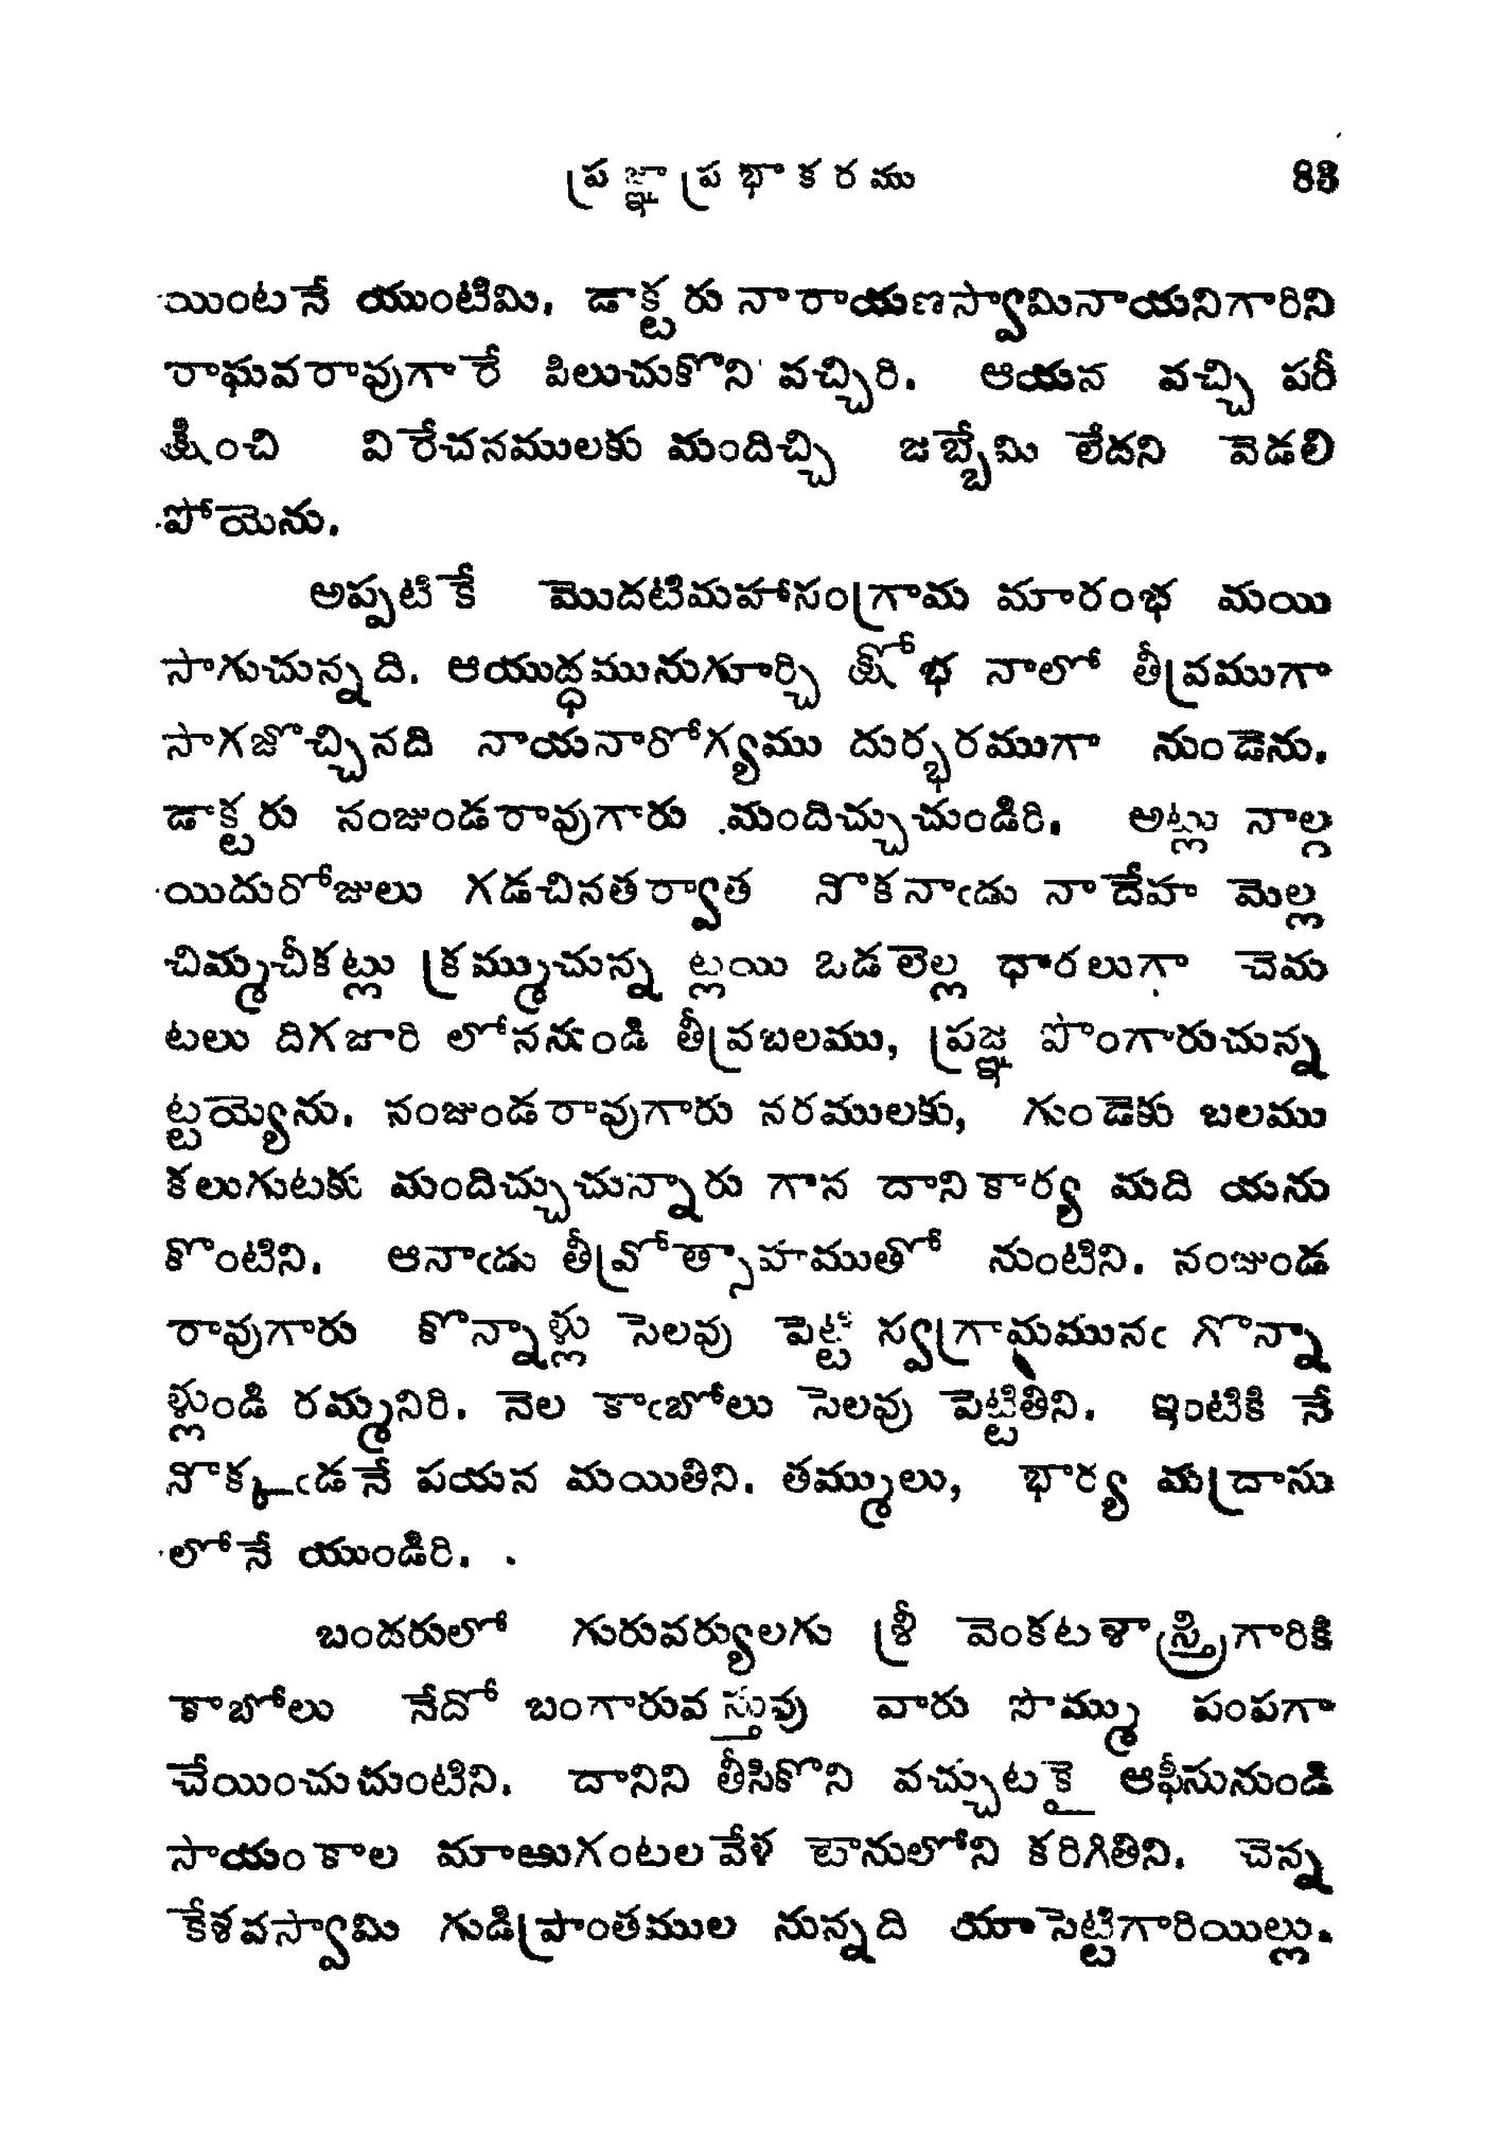యింటనే యుంటిమి. డాక్టరు నారాయణస్వామి నాయని గారిని రాఘవ రావుగారే పిలుచుకొని వచ్చిరి. ఆయన పరీక్షించి విరేచనములకు మంది చ్చి జబ్బేమి లేదని వెడలి పోయెను.

అప్పటికేమొదటిమహాసంగ్రామ మారంభ మయి సాగుచున్నది. ఆ యుద్ధమున గూర్చి క్షోభ నాలో తీవ్రముగాస సాగుజొచ్చినది. నా యనారోగ్యము దుర్భరముగా నుండెను. డాక్టరు నంజుండరావుగారు మందిచ్చుచుండిరి. అట్లు నాల్గయిదురోజులు గడచిన తర్వాత నొకనాఁడు నా దేహ మెల్ల చిమ్మచీకట్లు క్రమ్ముచున్న ట్లయి ఒడలెల్ల ధారలుగా చెమటలు దిగజారి లోన నుండి తీవ్ర బలము, ప్రజ్ఞ పోగారు చున్నట్టయ్యెను. నంజుండరావుగారు నరములకు, గుండెకు బలము కలుగుటకు మందిచ్చు చున్నారు గాన దాని కార్యమది యనుకొంటిని. ఆనాఁడు తివ్రోత్సహముతో నుంటిని. నంజుండరావుగారు కొనాళ్ళు సెలవు పెట్టి స్వగ్రామమునఁ గొన్నాళ్లుండి రమ్మనిరి. నెల కాఁ బోలు సెలవు పెట్టితిని. ఇంటికి నే నొక్కఁ డనే పయనమయితిని. తమ్ములు, భార్య మద్రాసు లోనే యుండిరి.

బందరులో గురువర్యులగు శ్రీ వెంకట శాస్త్రి గారికి కాబోలు నేదో బంగారువస్తువు వారు సొమ్ము పంపగా చేయించుచుంటిని. దానిని తీసికొని వచ్చుటకై ఆఫీసునుండి సాయంకాల మా ఱుగంటల వేళ టౌనులోని కరిగితిని. చెన్నకేశవస్వామి గుడి ప్రాంతముల నున్నది యా సెట్టిగారి యిల్లు.